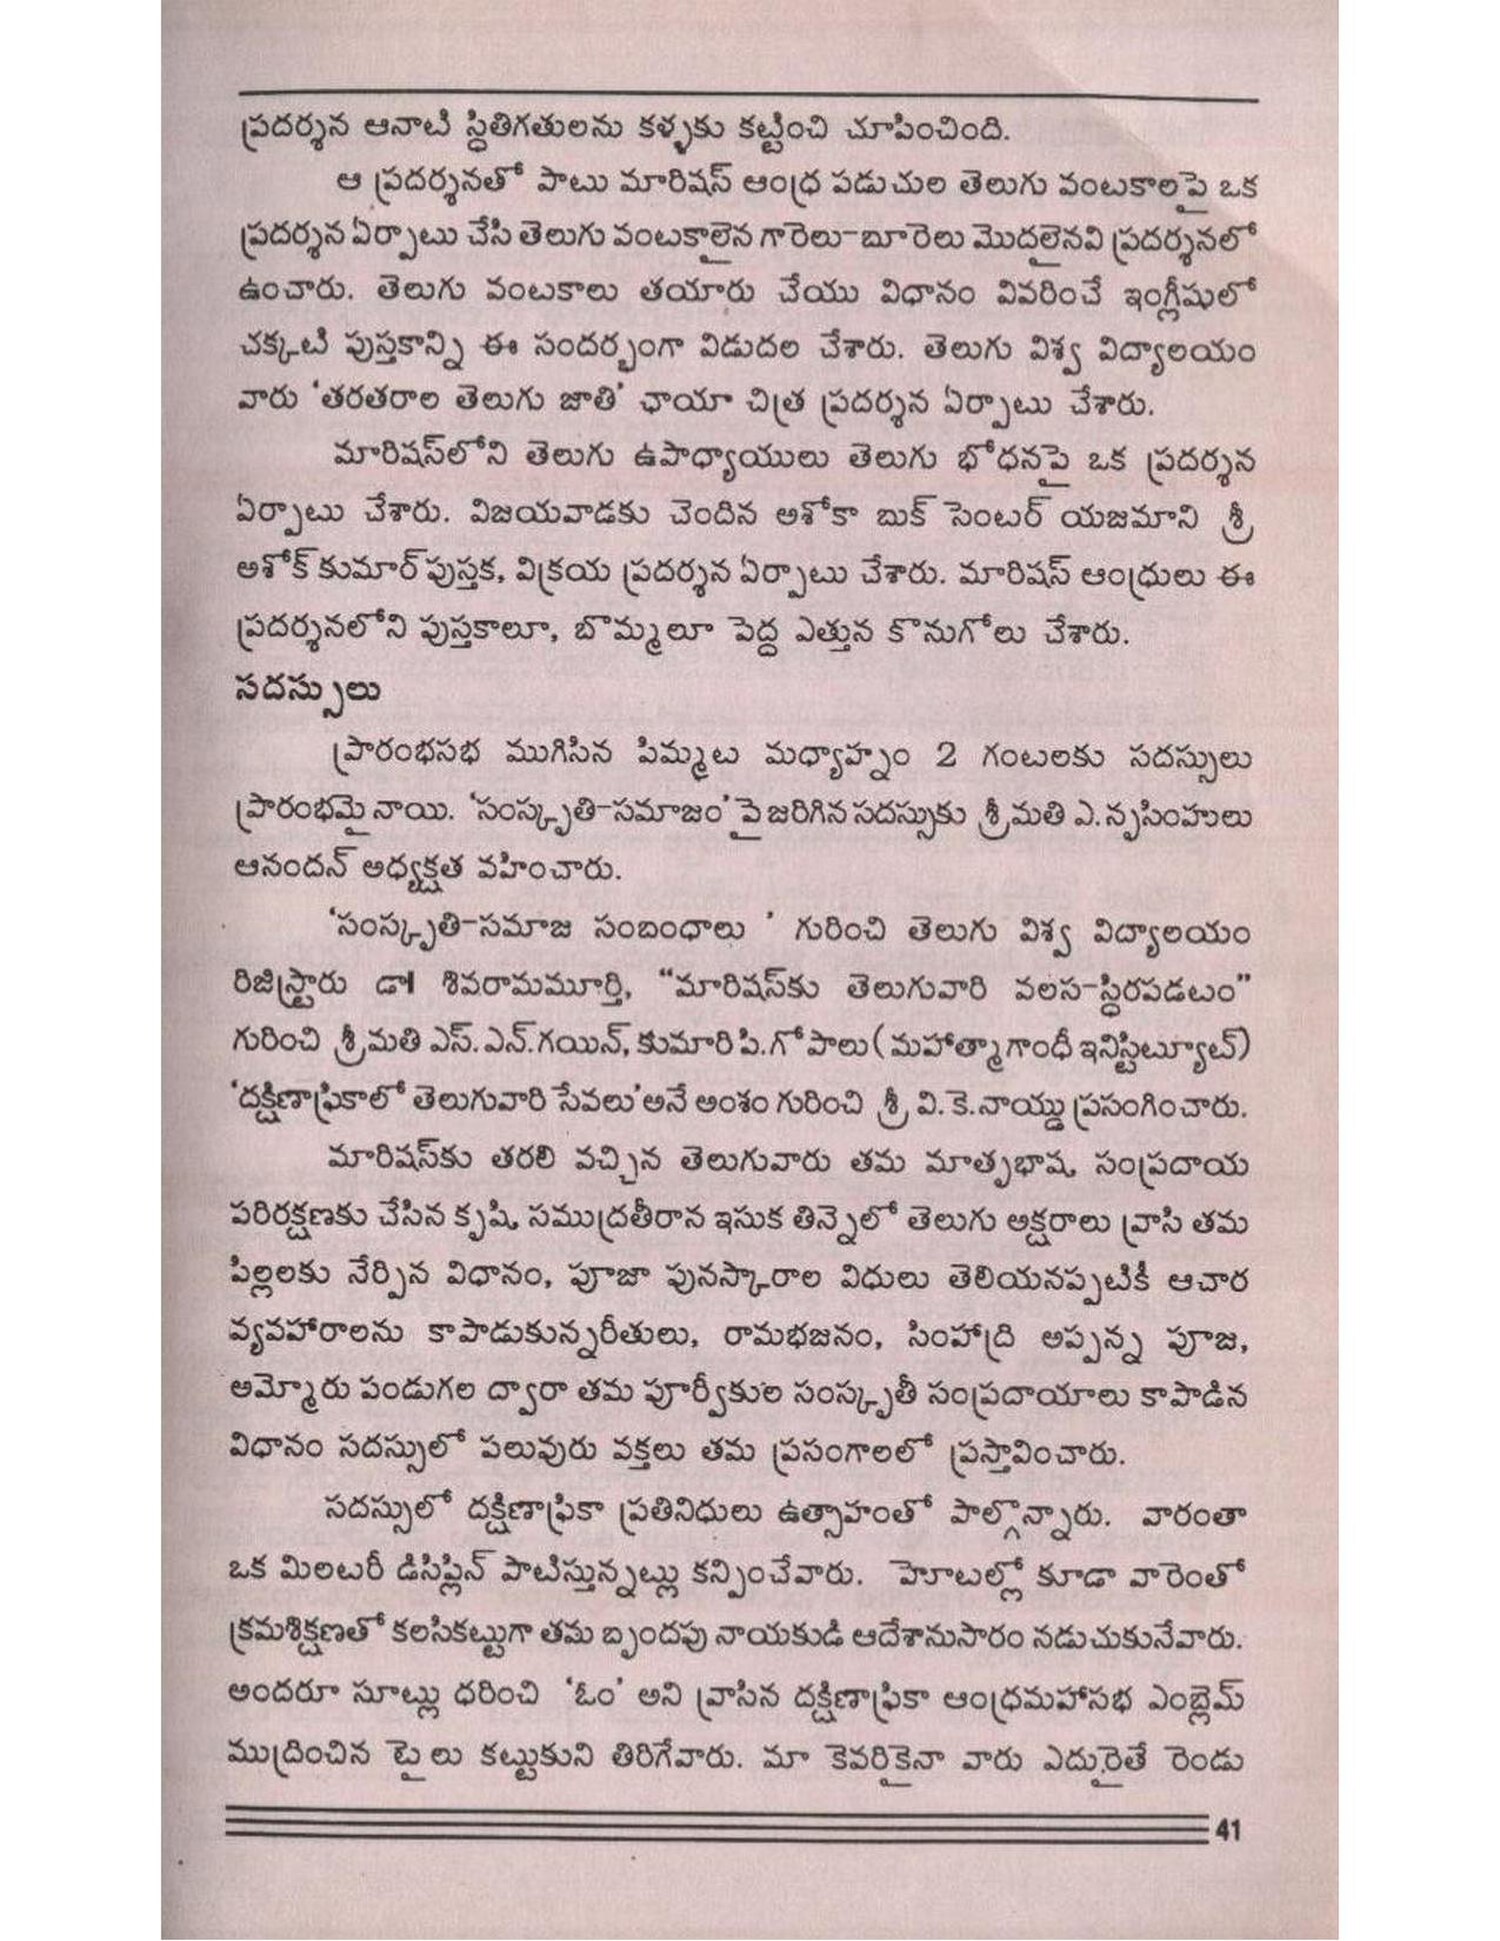ప్రదర్శన ఆనాటి స్థితిగతులను కళ్ళకు కట్టించి చూపించింది.

ఆ ప్రదర్శనతో పాటు మారిషస్ ఆంధ్ర పడుచుల తెలుగు వంటకాలపై ఒక ప్రదర్శన ఏర్పాటు చేసి తెలుగు వంటకాలైన గారెలు-బూరెలు మొదలైనవి ప్రదర్శనలో ఉంచారు. తెలుగు వంటకాలు తయారు చేయు విధానం వివరించే ఇంగ్లీషులో చక్కటి పుస్తకాన్ని ఈ సందర్భంగా విడుదల చేశారు, తెలుగు విశ్వ విద్యాలయం వారు 'తరతరాల తెలుగు జాతి' ఛాయా చిత్ర ప్రదర్శన ఏర్పాటు చేశారు.

మారిషస్‌లోని తెలుగు ఉపాధ్యాయులు తెలుగు భోధనపై ఒక ప్రదర్శన ఏర్పాటు చేశారు. విజయవాడకు చెందిన అశోకా బుక్ సెంటర్ యజమాని శ్రీ అశోక్ కుమార్ పుస్తక, విక్రయ ప్రదర్శన ఏర్పాటు చేశారు. మారిషస్ ఆంధ్రులు ఈ ప్రదర్శనలోని పుస్తకాలూ, బొమ్మలూ పెద్ద ఎత్తున కొనుగోలు చేశారు. 

సదస్సులు

ప్రారంభసభ ముగిసిన పిమ్మలు మధ్యాహ్నం 2 గంటలకు సదస్సులు ప్రారంభమైనాయి. సంస్కృతి-సమాజంపై జరిగిన సదస్సుకు శ్రీమతి ఎ.నృసింహులు ఆనందన్ అధ్యక్షత వహించారు.

'సంస్కృతి-సమాజ సంబంధాలు ' గురించి తెలుగు విశ్వ విద్యాలయం రిజిస్ట్రారు డా॥ శివరామమూర్తి, "మారిషస్‌కు తెలుగువారి వలస-స్థిరపడటం" గురించి శ్రీమతి ఎస్.ఎన్.గయిన్, కుమారి పి.గోపాలు(మహాత్మాగాంధీ ఇనిస్టిట్యూట్) 'దక్షిణాఫ్రికాలో తెలుగువారి సేవలు'అనే అంశం గురించి శ్రీ వి.కె.నాయ్డు ప్రసంగించారు.

మారిషస్‌కు తరలి వచ్చిన తెలుగువారు తమ మాతృభాష, సంప్రదాయ పరిరక్షణకు చేసిన కృషి, సముద్రతీరాన ఇసుక తిన్నెలో తెలుగు అక్షరాలు వ్రాసి తమ పిల్లలకు నేర్పిన విధానం, పూజా పునస్కారాల విధులు తెలియనప్పటికీ ఆచార వ్యవహారాలను కాపాడుకున్నరీతులు, రామభజనం, సింహాద్రి అప్పన్న పూజ, అమ్మోరు పండుగల ద్వారా తమ పూర్వీకుల సంస్కృతీ సంప్రదాయాలు కాపాడిన విధానం సదస్సులో పలువురు వక్తలు తమ ప్రసంగాలలో ప్రస్తావించారు.

సదస్సులో దక్షిణాఫ్రికా ప్రతినిధులు ఉత్సాహంతో పాల్గొన్నారు. వారంతా ఒక మిలటరీ డిసిప్లిన్ పాటిస్తున్నట్టు కన్పించేవారు. హోటల్లో కూడా వారెంతో క్రమశిక్షణతో కలసికట్టుగా తమ బృందపు నాయకుడి ఆదేశానుసారం నడుచుకునేవారు. అందరూ సూట్లు ధరించి 'ఓం' అని వ్రాసిన దక్షిణాఫ్రికా ఆంధ్రమహాసభ ఎంబ్లం ముద్రించిన టైలు కట్టుకుని తిరిగేవారు. మా కెవరికైనా వారు ఎదురైతే రెండు